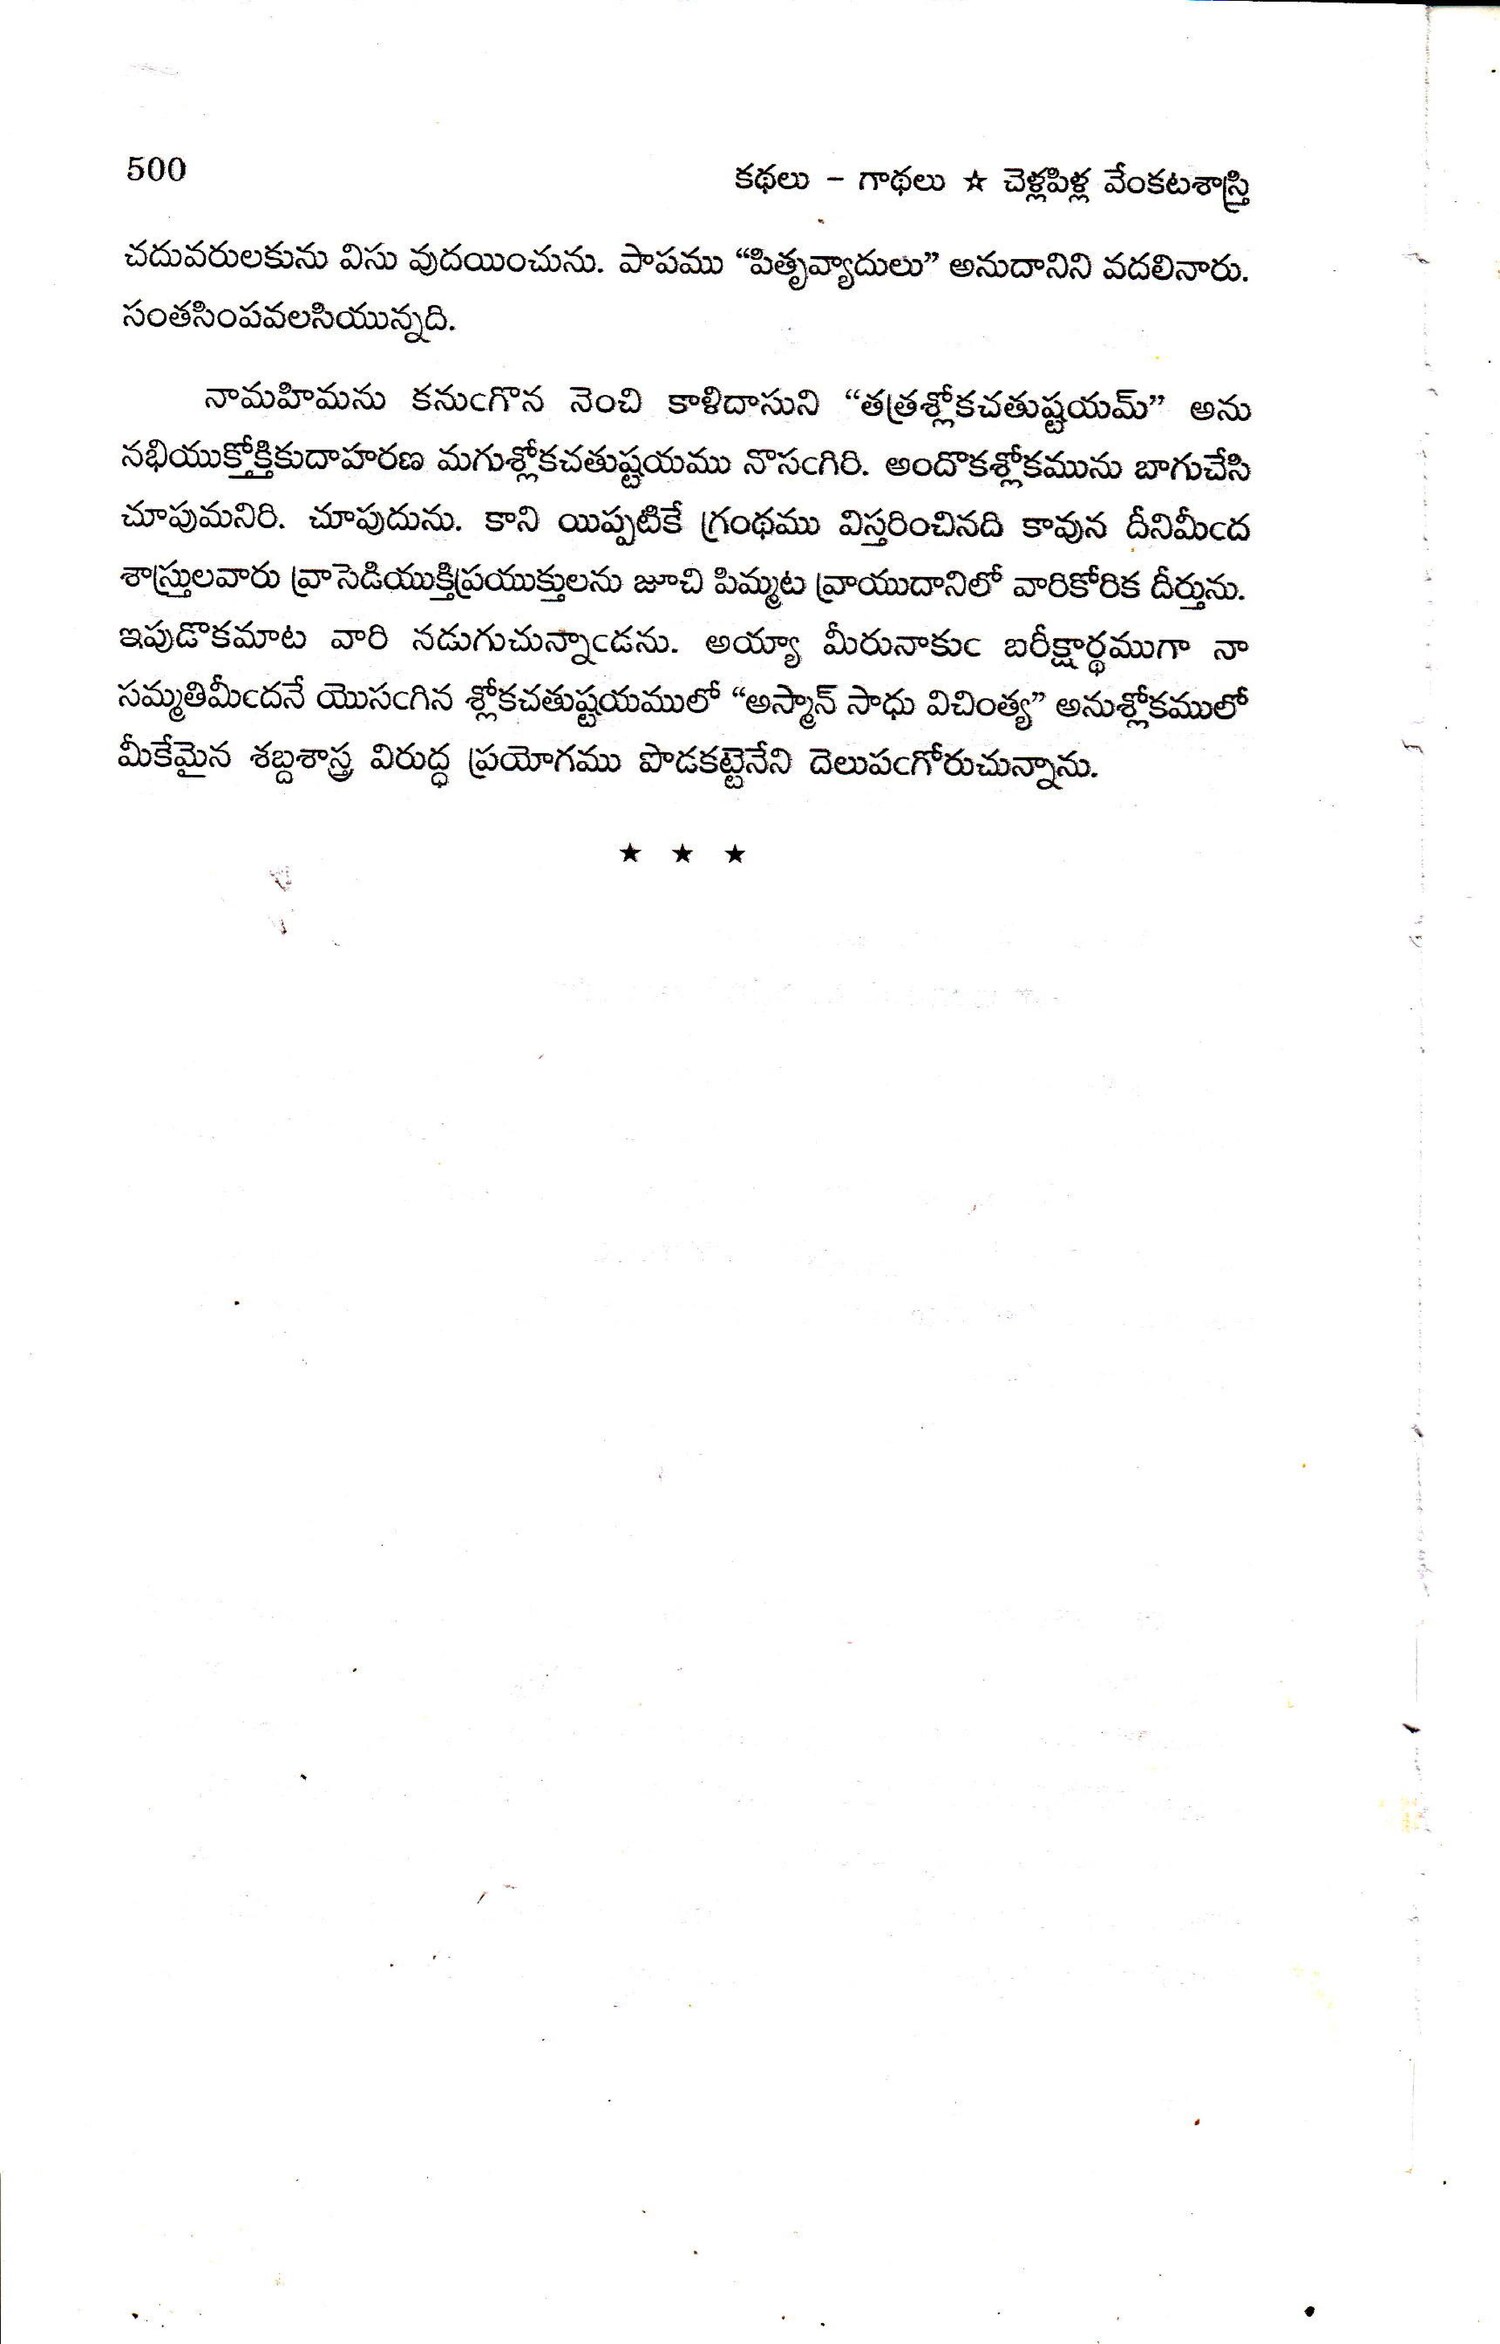చదువరులకును విసు వుదయించును. పాపము “పితృవ్యాదులు” అనుదానిని వదలినారు. సంతసింపవలసియున్నది.

నామహిమను కనుఁగొన నెంచి కాళిదాసుని "తత్రశ్లోకచతుష్టయమ్" అను నభియుక్తోక్తికుదాహరణ మగుశ్లోకచతుష్టయము నొసఁగిరి. అందొకశ్లోకమును బాగుచేసి చూపుమనిరి. చూపుదును. కాని యిప్పటికే గ్రంథము విస్తరించినది కావున దీనిమీఁద శాస్త్రులవారు వ్రాసెడియుక్తిప్రయుక్తులను జూచి పిమ్మట వ్రాయుదానిలో వారికోరిక దీర్తను. ఇపుడొకమాట వారి నడుగుచున్నాఁడను. అయ్యా మీరునాకుఁ బరీక్షార్ధముగా నా సమ్మతిమీఁదనే యొసఁగిన శ్లోకచతుష్టయములో “అస్మాన్ సాధు విచింత్య" అనుశ్లోకములో మీకేమైన శబ్దశాస్త్ర విరుద్ధ ప్రయోగము పొడకట్టెనేని దెలుపఁగోరుచున్నాను.